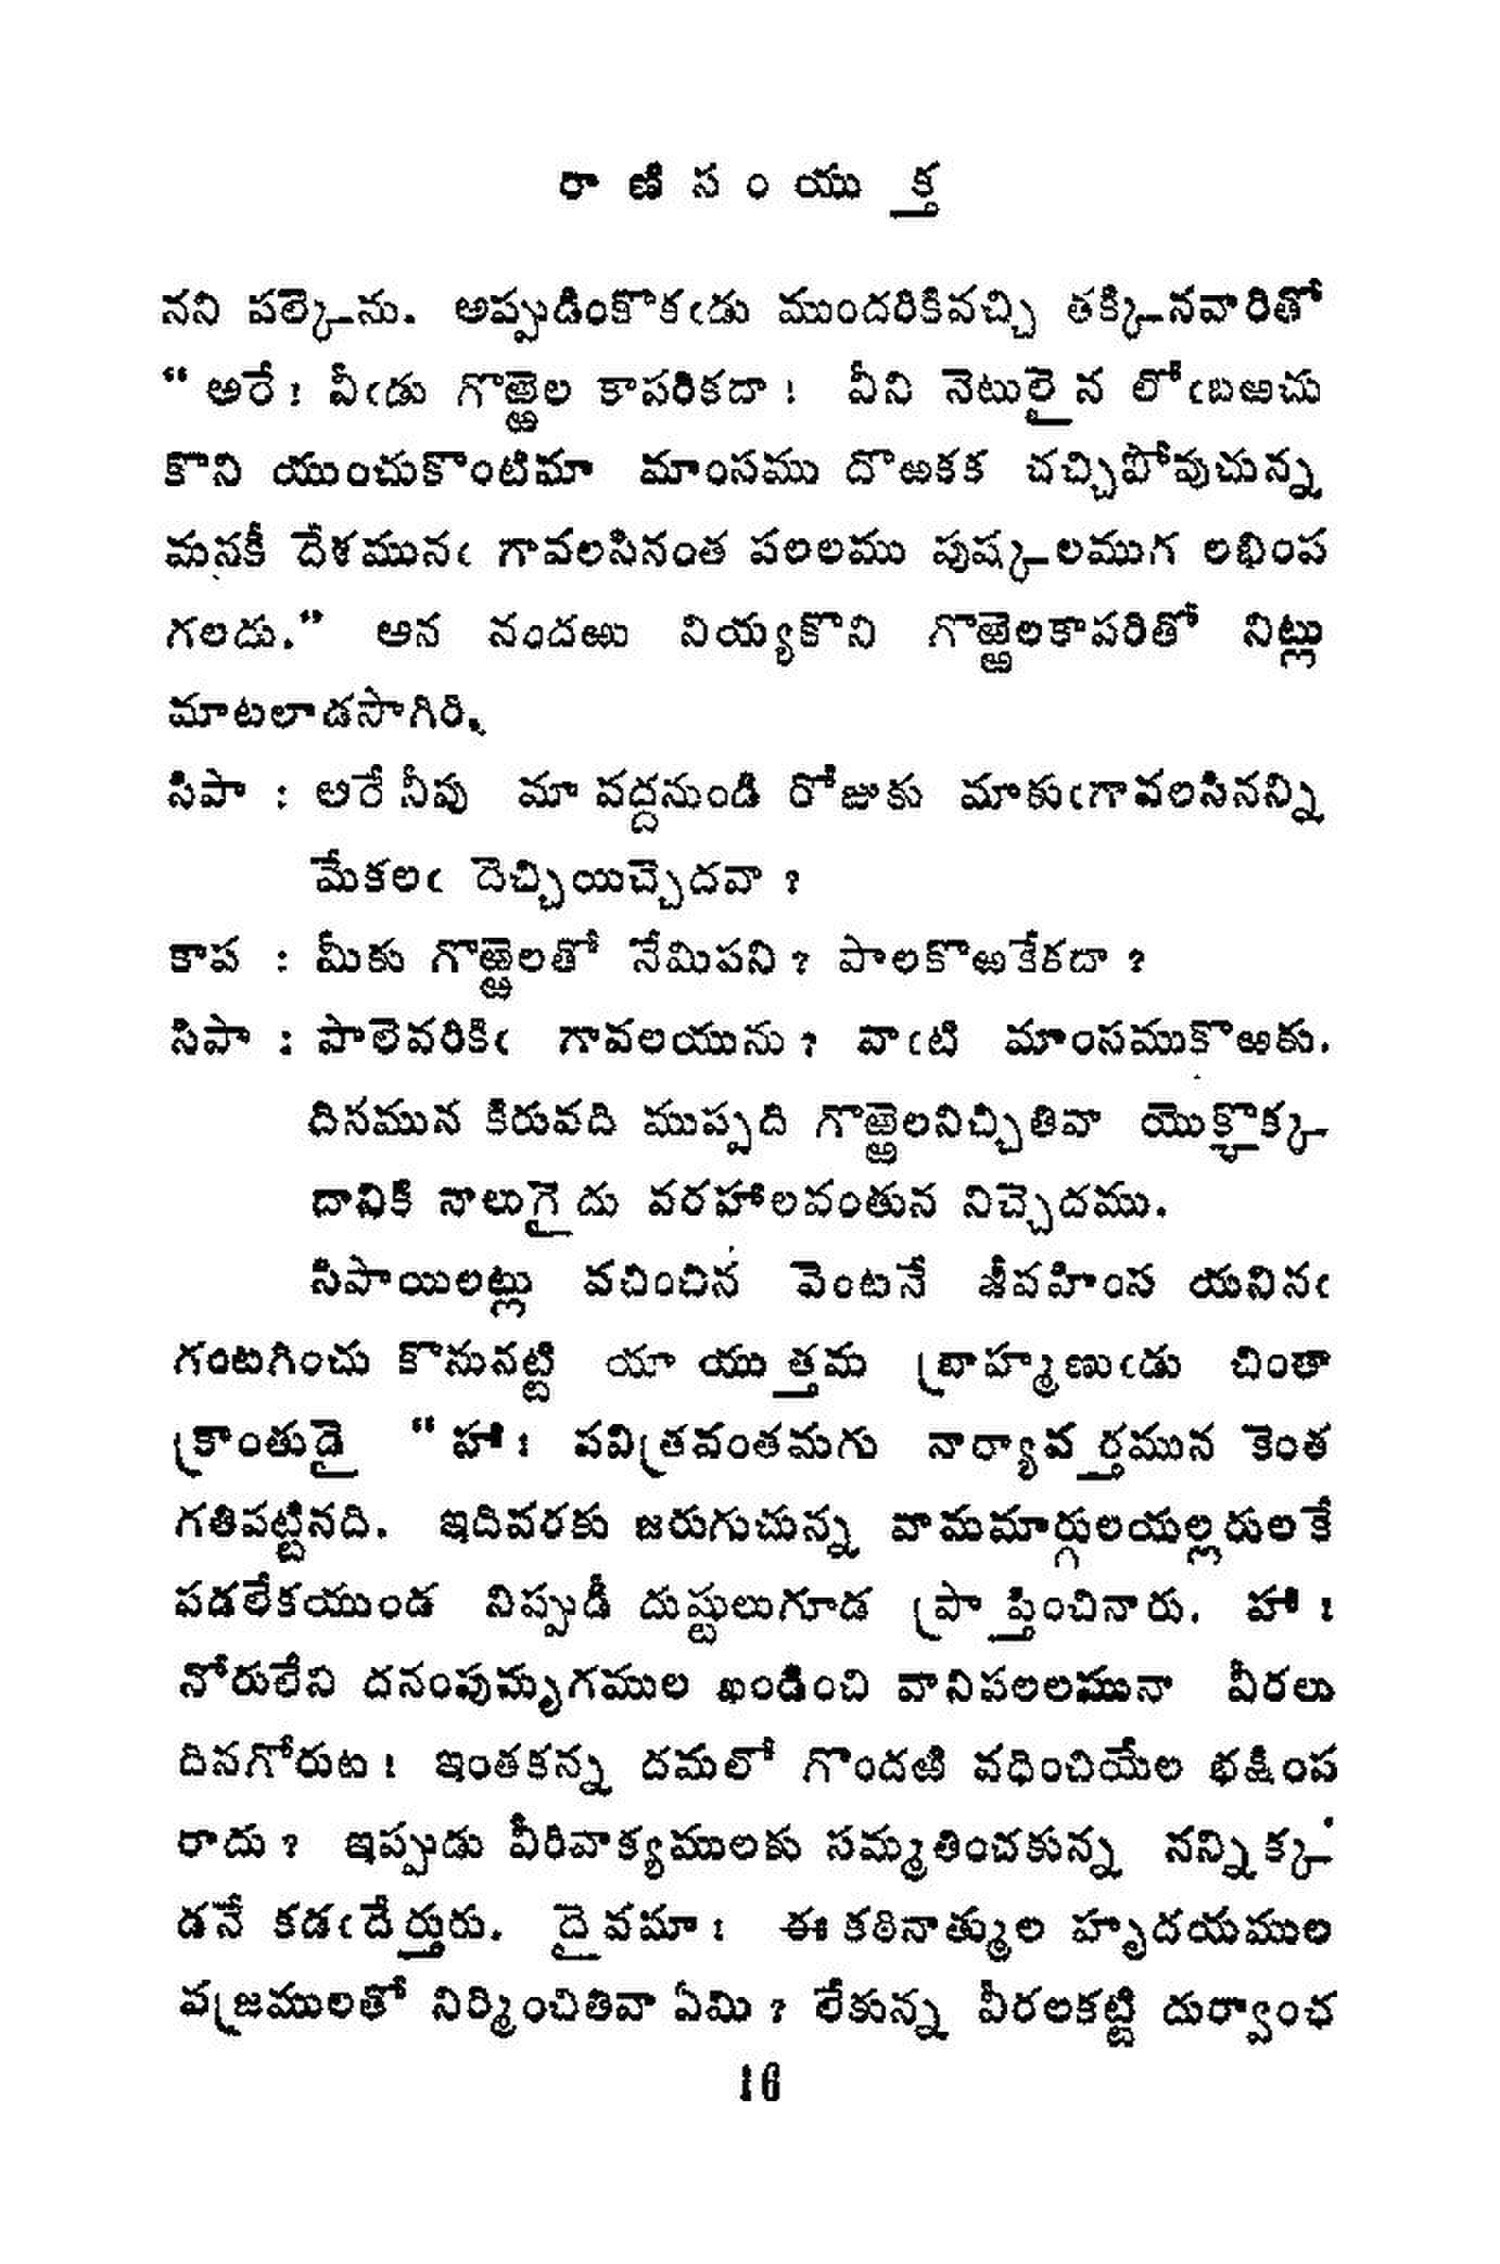నని పల్కెను. అప్పుడింకొకఁడు ముందరికివచ్చి తక్కినవారితో " అరే! వీఁడు గొఱ్ఱెల కాపరికదా ! వీని నెటులైన లోఁబఱచుకొని యుంచుకొంటిమా మాంసము దొఱకక చచ్చిపోవుచున్న మనకీ దేశమునఁ గావలసినంత పలలము పుష్కలముగ లభింప గలదు." అన నందఱు నియ్యకొని గొఱ్ఱెలకాపరితో నిట్లు మాటలాడసాగిరి. 

సిపా : అరే నీవు మా వద్దనుండి రోజుకు మాకుఁగావలసినన్నిమేకలఁ దెచ్చియిచ్చెదవా? 

కాప : మీకు గొఱ్ఱెలతో నేమిపని? పాలకొఱకేకదా ? 

సిపా : పాలెవరికిఁ గావలయును . వాఁటి మాంసముకొఱకు. దినమున కిరువది ముప్పది గొఱ్ఱెలనిచ్చితివా యొక్కొక్క దానికి నాలుగైదు వరహాలవంతున నిచ్చెదము.

సిపాయిలట్లు వచించిన వెంటనే జీవహింస యనినఁ గంటగించు కొనునట్టి యా యుత్తమ బ్రాహ్మణుఁడు చింతాక్రాంతుడై “హా! పవిత్రవంతమగు నార్యావర్తమున కెంత గతిపట్టినది. ఇదివరకు జరుగుచున్న వామమార్గులయల్లరులకే పడలేకయుండ నిప్పుడీ దుష్టులుగూడ ప్రాప్తించినారు. హా ! నోరులేని దనంపుమృగముల ఖండించి వానిపలలమునా వీరలు దినగోరుట ! ఇంతకన్న దమలో గొందఱి వధించియేల భక్షింపరాదు? ఇప్పుడు వీరివాక్యములకు సమ్మతించకున్న నన్నిక్కడనే కడఁదేర్తురు. దైవమా ! ఈ కఠినాత్ముల హృదయముల వజ్రములతో నిర్మించితివా ఏమి? లేకున్న వీరలకట్టి దుర్వాంఛ